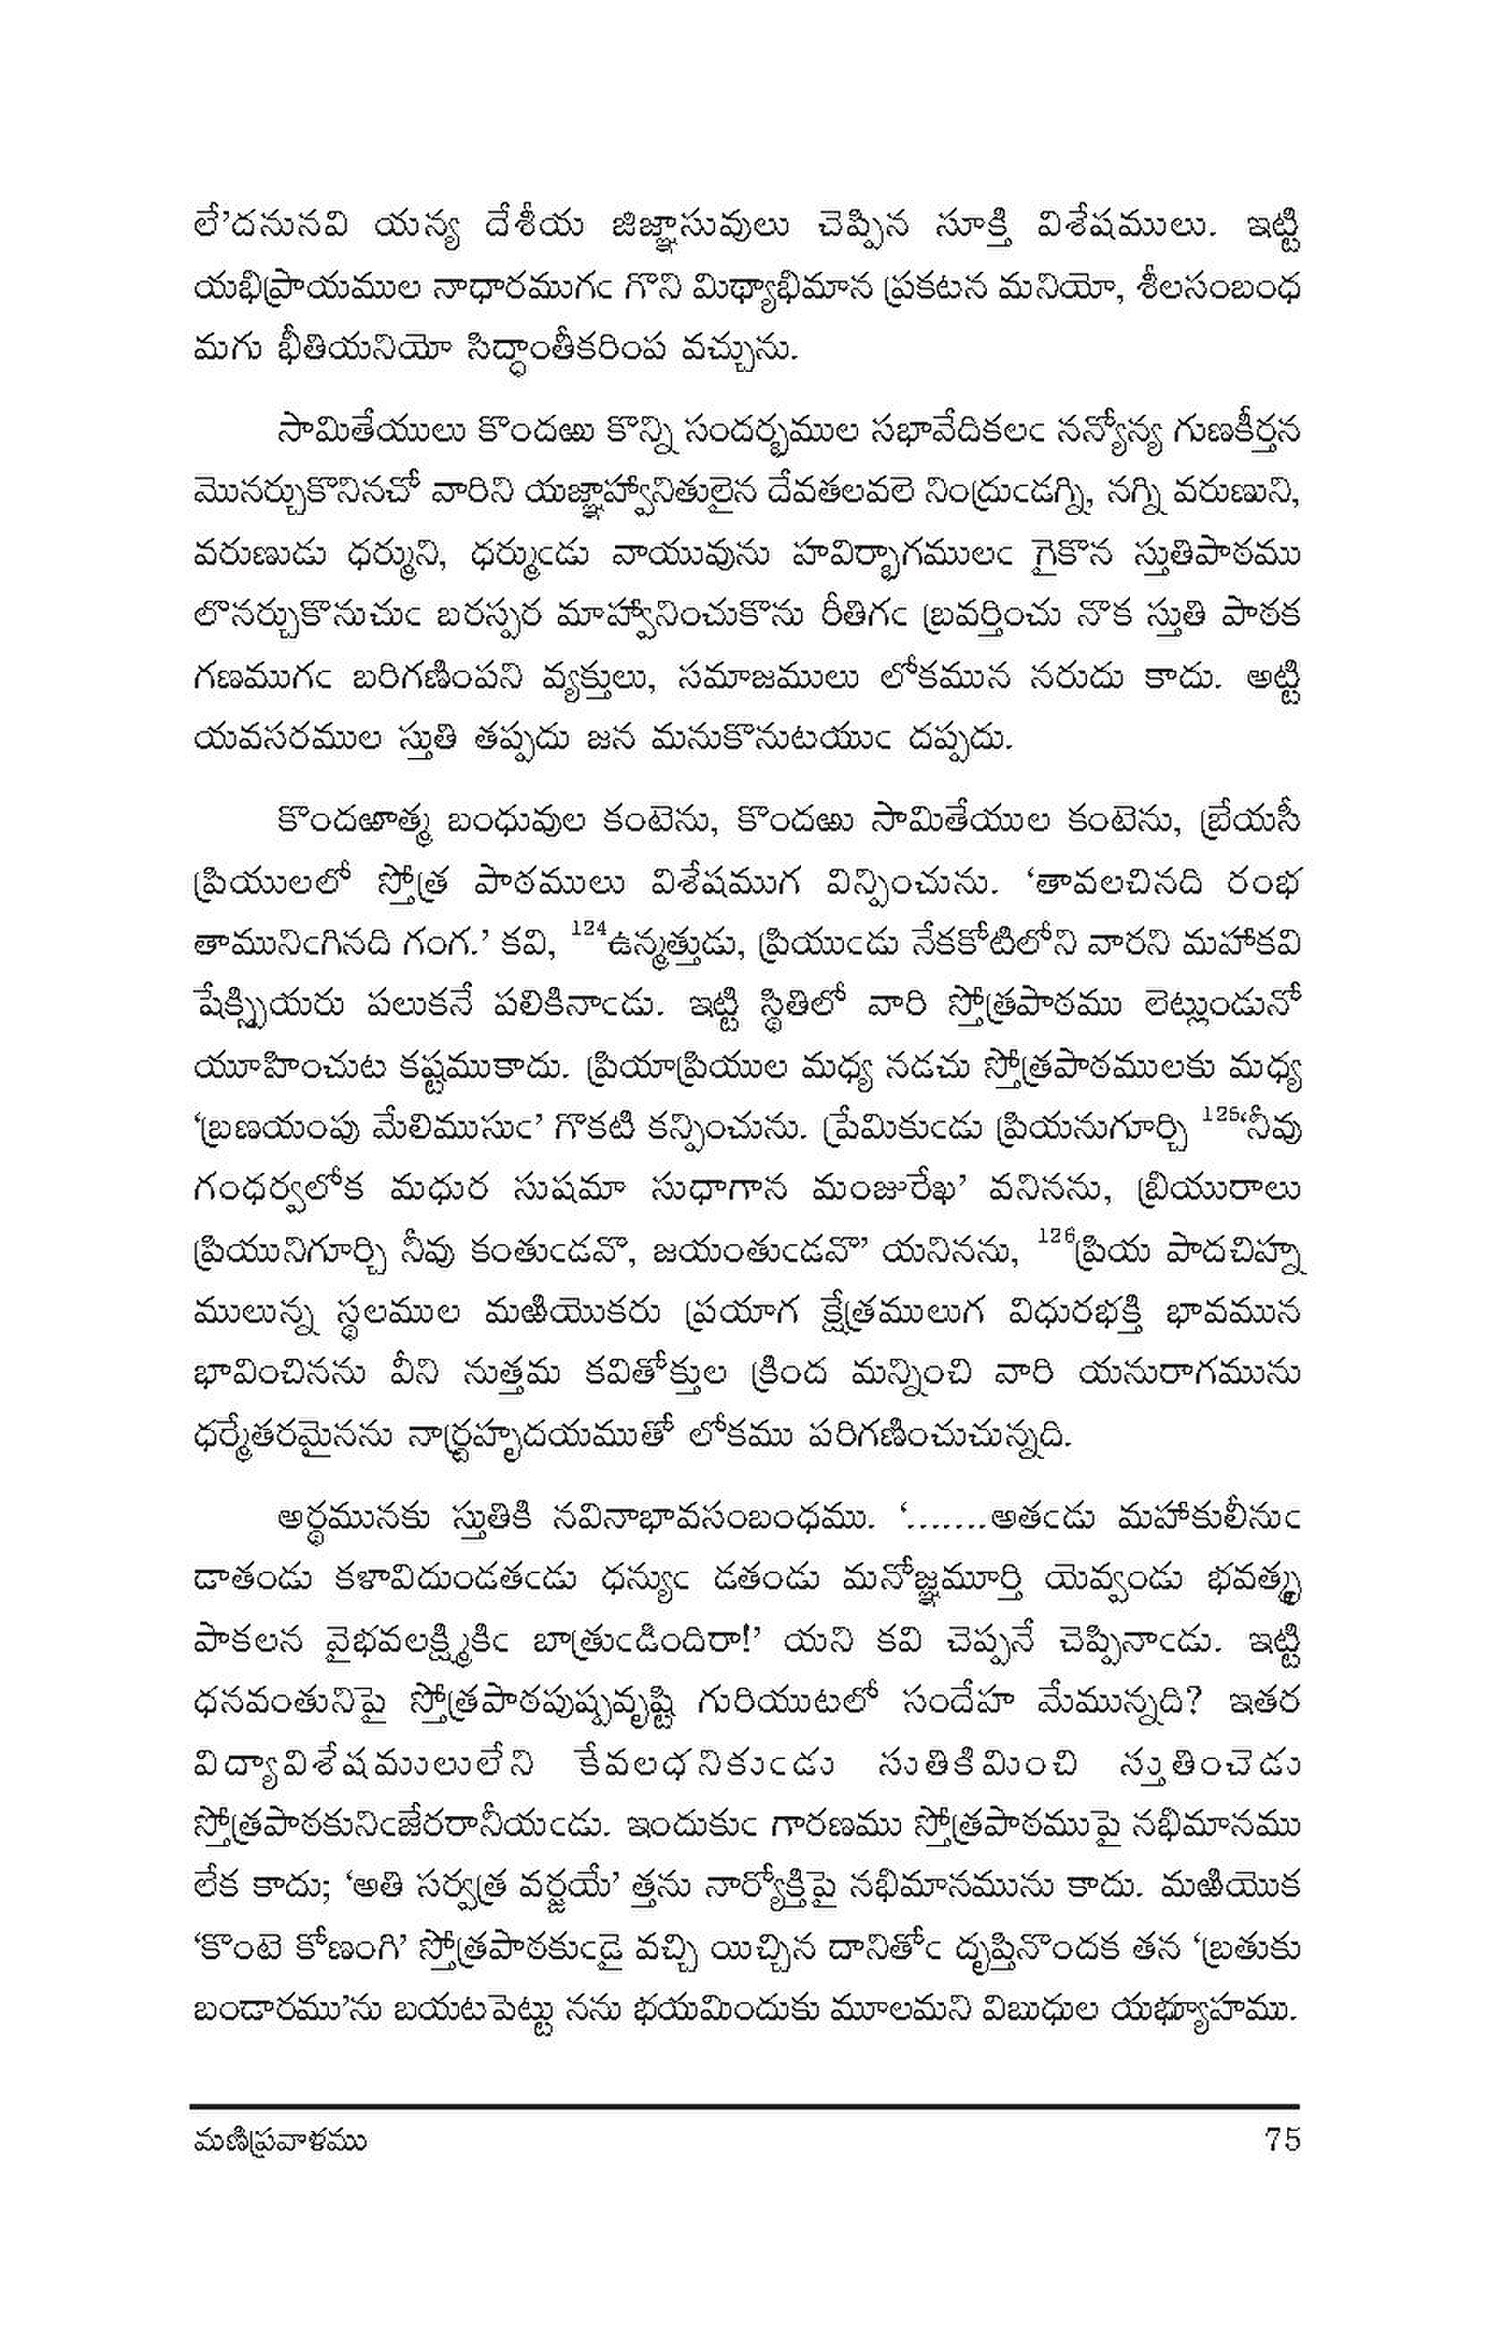లేదనునవి యన్య దేశీయ జిజ్ఞాసువులు చెప్పిన సూక్తి విశేషములు. ఇట్టి
యభిప్రాయముల నాధారముగఁ గొని మిథ్యాభిమాన ప్రకటన మనియో, శీలసంబంధ
మగు భీతియనియో సిద్ధాంతీకరింప వచ్చును.

సామితేయులు కొందఱు కొన్ని సందర్భముల సభావేదికలఁ నన్యోన్య గుణకీర్తన
మొనర్చుకొనినచో వారిని యజ్ఞాహ్వానితులైన దేవతలవలె నింద్రుఁడగ్ని, నగ్ని వరుణుని,
వరుణుడు ధర్ముని, ధర్ముఁడు వాయువును హవిర్భాగములఁ గైకొన స్తుతిపాఠము
లొనర్చుకొనుచుఁ బరస్పర మాహ్వానించుకొను రీతిగఁ బ్రవర్తించు నొక స్తుతి పాఠక
గణముగఁ బరిగణింపని వ్యక్తులు, సమాజములు లోకమున నరుదు కాదు. అట్టి
యవసరముల స్తుతి తప్పదు జన మనుకొనుటయుఁ దప్పదు.

కొందఱాత్మ బంధువుల కంటెను, కొందఱు సామితేయుల కంటెను, బ్రేయసీ
ప్రియులలో స్తోత్ర పాఠములు విశేషముగ విన్పించును. 'తావలచినది రంభ
తామునిఁగినది గంగ.' కవి, ఉన్మత్తుడు, ప్రియుఁడు నేకకోటిలోని వారని మహాకవి
షేక్స్పియరు పలుకనే పలికినాఁడు. ఇట్టి స్థితిలో వారి స్తోత్రపాఠము లెట్లుండునో
యూహించుట కష్టముకాదు. ప్రియాప్రియుల మధ్య నడచు స్తోత్రపాఠములకు మధ్య
'బ్రణయంపు మేలిముసుఁ’ గొకటి కన్పించును. ప్రేమికుఁడు ప్రియనుగూర్చి నీవు
గంధర్వలోక మధుర సుషమా సుధాగాన మంజురేఖ' వనినను, బ్రియురాలు
ప్రియునిగూర్చి నీవు కంతుఁడవో, జయంతుఁడవొ యనినను, ప్రియ పాదచిహ్న
ములున్న స్థలముల మఱియొకరు ప్రయాగ క్షేత్రములుగ విధురభక్తి భావమున
భావించినను వీని నుత్తమ కవితోక్తుల క్రింద మన్నించి వారి యనురాగమును
ధర్మేతరమైనను నార్ద్ర హృదయముతో లోకము పరిగణించుచున్నది.

అర్థమునకు స్తుతికి నవినాభావసంబంధము. '....... అతఁడు మహాకులీనుఁ
డాతండు కళావిదుండతఁడు ధన్యుఁ డతండు మనోజ్ఞమూర్తి యెవ్వండు భవత్కృ
పాకలన వైభవలక్ష్మికిఁ బాత్రుఁడిందిరా!' యని కవి చెప్పనే చెప్పినాఁడు. ఇట్టి
ధనవంతునిపై స్తోత్రపాఠపుష్పవృష్టి గురియుటలో సందేహ మేమున్నది? ఇతర
విద్యావిశేషములులేని కేవలధనికుఁడు సుతికిమించి స్తుతించెడు
స్తోత్రపాఠకునిఁజేరరానీయఁడు. ఇందుకుఁ గారణము స్తోత్రపాఠముపై నభిమానము
లేక కాదు; 'అతి సర్వత్ర వర్జయే' తను నార్యోక్తిపై నభిమానమును కాదు. మఱియొక
'కొంటె కోణంగి' స్తోత్రపాఠకుఁడై వచ్చి యిచ్చిన దానితోఁ దృప్తినొందక తన 'బ్రతుకు
బండారము’ను బయటపెట్టు నను భయమిందుకు మూలమని విబుధుల యభ్యూహము.